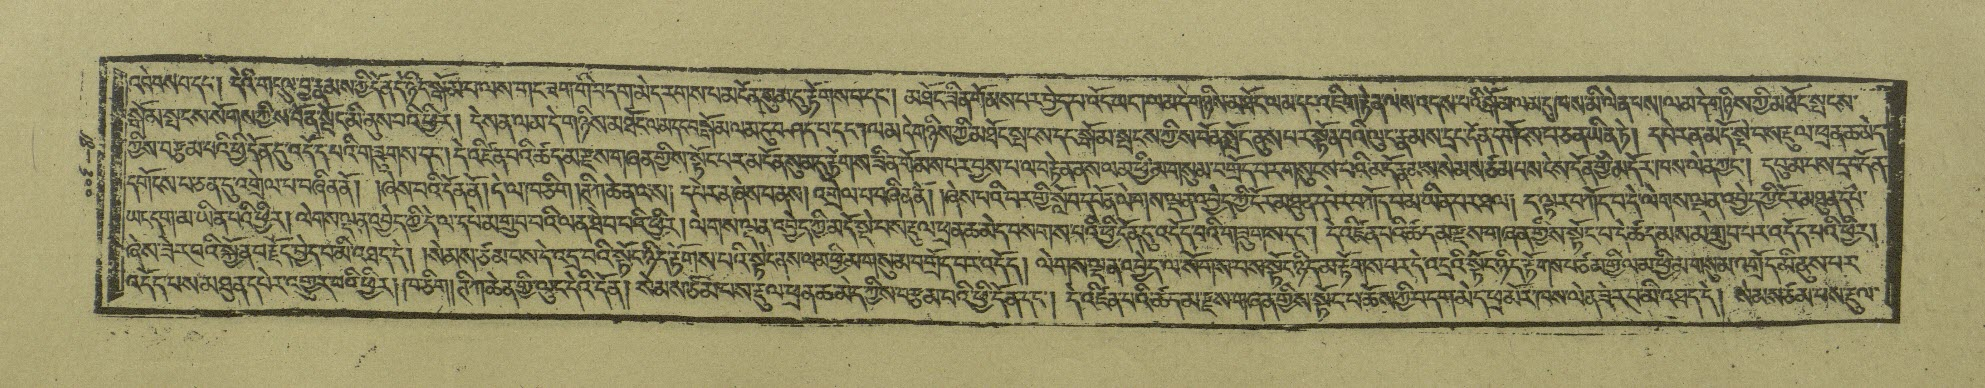འབེབས་པ་དང་། དེའི་གདུལ་བྱ་རྣམས་ཀྱི་དོན་དེ་ཉིད་སྒོམ་པ་ལས་གང་ཟག་གི་བདག་མེད་རགས་པ་མངོན་སུམ་དུ་རྟོགས་པ་དང་། མཐོང་ཟིན་གོམས་པར་བྱེད་པ་འོང་ཡང་། ལམ་དེ་གཉིས་མཐོང་ལམ་དང་འཇིག་རྟེན་ལས་འདས་པའི་སྒོམ་ལམ་དུ་ཁས་མི་ལེན་པས། ལམ་དེ་གཉིས་ཀྱི་མཐོང་སྤངས་
སྒོམ་སྤངས་སོགས་ཀྱི་ས་བོན་སྤོང་མི་ནུས་པའི་ཕྱིར། དེས་ན་ལམ་དེ་གཉིས་མཐོང་ལམ་དང་བསྒོམ་ལམ་དུ་བཤད་པ་དང་། ལམ་དེ་གཉིས་ཀྱི་མཐོང་སྤངས་དང་སྒོམ་སྤངས་ཀྱི་ས་བོན་སྤོང་ནུས་པར་སྟོན་པའི་ལུང་རྣམས་དྲང་དོན་དགོངས་པ་ཅན་ཡིན་ཏེ། དཔེར་ན་མདོ་སྡེ་བས་རྡུལ་ཕྲན་ཆ་མེད་
ཀྱིས་བརྩམས་པའི་ཕྱི་དོན་དུ་འདོད་པའི་གཟུགས་དང་། དེ་འཛིན་པའི་ཚད་མ་རྫས་གཞན་གྱིས་སྟོང་པར་མངོན་སུམ་དུ་རྟོགས་ཟིན་གོམས་པར་བྱས་པ་ལ་བརྟེན་ནས་ལམ་ཕྱི་མ་གསུམ་བགྲོད་པར་གསུངས་པའི་མདོ་རྣམས་སེམས་ཙམ་པས་ངེས་དོན་གྱི་མདོར་ཁས་ལེན་ཀྱང་། དབུ་མ་པས་དྲང་དོན་
དགོངས་པ་ཅན་དུ་འགྲེལ་པ་བཞིན་ནོ། །ཞེས་པའི་དོན་ནོ། དེ་ལ་ཁ་ཅིག །ཊིཀ་ཆེན་ལས། དཔེར་ན་ཞེས་པ་ནས། འགྲེལ་པ་བཞིན་ནོ། །ཞེས་པའི་བར་གྱི་སློབ་དཔོན་ལེགས་ལྡན་འབྱེད་ཀྱི་ངོར་མཐུན་དཔེར་བཀོད་པ་མ་ཡིན་པར་ཐལ། ད་ལྟར་བཀོད་པ་དེ་ལེགས་ལྡན་འབྱེད་ཀྱི་ངོར་མཐུན་དཔེ་
ཡང་དག་མ་ཡིན་པའི་ཕྱིར། ལེགས་ལྡན་འབྱེད་ཀྱི་དེ་ལ་དཔེ་མ་གྲུབ་པའི་ལན་ཐེབ་པའི་ཕྱིར། ལེགས་ལྡན་འབྱེད་ཀྱི་མདོ་སྡེ་པས་རྡུལ་ཕྲན་ཆ་མེད་བསགས་པའི་ཕྱི་དོན་དུ་འདོད་པའི་གཟུགས་དང་། དེ་འཛིན་པའི་ཚད་མ་རྫས་གཞན་གྱིས་སྟོང་པ་དེ་ཚད་མས་མ་གྲུབ་པར་འདོད་པའི་ཕྱིར།
ཞེས་ཟེར་བའི་སྐྱོན་བརྗོད་བྱེད་པ་མི་འཐད་དེ། །སེམས་ཙམ་པས་དེ་འདྲ་བའི་སྟོང་ཉིད་རྟོགས་པའི་སྟེང་ནས་ལམ་ཕྱི་མ་གསུམ་བགྲོད་པར་འདོད། ལེགས་ལྡན་འབྱེད་ལ་སོགས་པས་སྟོང་ཉིད་མ་རྟོགས་པར་དེ་འདྲའི་སྟོང་ཉིད་རྟོགས་པ་ཙམ་གྱི་ལམ་ཕྱི་མ་གསུམ་བགྲོད་མི་ནུས་པར་
འདོད་པས་མཐུན་དཔེར་འགྱུར་པའི་ཕྱིར། ཁ་ཅིག །ཊིཀ་ཆེན་གྱི་ལུང་དེའི་དོན། སེམས་ཙམ་པས་རྡུལ་ཕྲན་ཆ་མེད་ཀྱིས་བརྩམ་པའི་ཕྱི་དོན་དང་། དེ་འཛིན་པའི་ཚད་མ་རྫས་གཞན་གྱིས་སྟོང་པ་ཆོས་ཀྱི་བདག་མེད་ཕྲ་མོར་ཁས་ལེན་ཟེར་བ་མི་འཐད་དེ། སེམས་ཙམ་པས་རྡུལ་